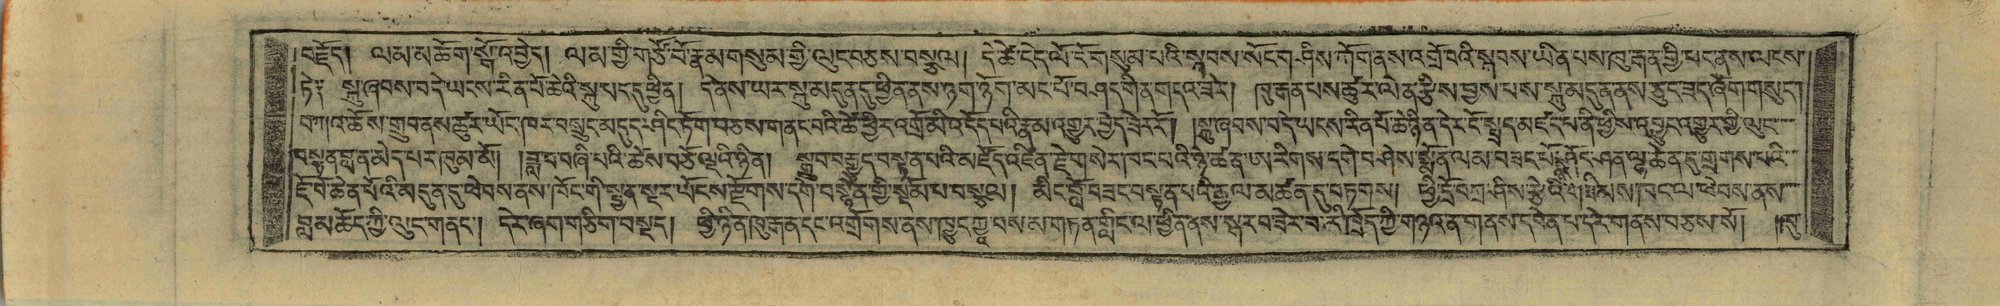བརྗོད། ལམ་མཆོག་སྒོ་འབྱེད། ལམ་གྱི་གཙོ་བོ་རྣམ་གསུམ་གྱི་ལུང་བཅས་བསྩལ། དེ་ཚེ་ངེད་ལོ་ངོ་གསུམ་པའི་སྐབས་སོང་གཤིས་ཀོ་གནས་འགྲོ་བའི་སྐབས་ཡིན་པས་ཁུ་རྒན་གྱི་པང་ནས་ལངས་
ཏེ༑ སྐུ་ཞབས་བདེ་ཡངས་རིན་པོ་ཆེའི་སྐུ་པར་དུ་ཕྱིན། དེ་ནས་ཡར་སྐུ་མདུན་དུ་ཕྱིན་ནས་ཉག་ཉོག་མང་པོ་བཤད་གིན་གདའ་ཟེར། ཁུ་རྒན་པས་ཚུར་ལེན་རྩིས་བྱས་པས་སྐུ་མདུན་ནས་ཅུང་ཟད་ཞོག་གསུང་།
བཀའ་ཆོས་གྲུབ་ནས་ཚུར་ཡོང་ཁར་བསྲུང་མདུད་ཤིང་ཏོག་བཅས་གནང་བའི་ཚེ་ཕྱིར་འགྲོ་མི་འདོད་པའི་རྣམ་འགྱུར་བྱེད་ཟེར་རོ། །སྐུ་ཞབས་བདེ་ཡངས་རིན་པོ་ཆེ་ཉིན་དེར་ངོ་སྤྲད་མཛད་པ་ནི་ཕྱིས་འབྱུང་འགྱུར་གྱི་ལུང་
བསྟན་བླ་ན་མེད་པར་ཁུམ་མོ། །ཟླ་བ་བཞི་པའི་ཚེས་བཅོ་ལྔའི་ཉིན། སྒྲུབ་བརྒྱུད་བསྟན་པའི་མཛོད་འཛིན་རྗེ་གསེར་ཁང་པའི་ཉེ་ཚན་ཨ་རིགས་དགེ་བཤེས་སྨོན་ལམ་བཟང་པོ་ཉིད་ཤོང་ཤན་ལྷ་ཆེན་དུ་གྲགས་པའི་
ཇོ་བོ་ཆེན་པོའི་མདུན་དུ་ཕེབས་ནས་ཁོང་གི་སྤྱན་སྔར་ཡོངས་རྫོགས་དགེ་བསྙེན་གྱི་སྡོམ་པ་བསྩལ། མིང་བློ་བཟང་བསྟན་པའི་རྒྱལ་མཚན་དུ་བཏགས། ཕྱི་དྲོ་བཀྲ་ཤིས་རྩེའི་གཟིམས་ཁང་ལ་ཕེབས་ནས་
བླ་མཆོད་ཀྱི་ལུང་གནང་། དེར་ཞག་གཅིག་བསྡད། ཕྱི་ཉིན་ཁུ་རྒན་དང་འགྲོགས་ནས་ཁྱུང་ཀྱཱ་བསམ་གཏན་གླིང་ལ་ཕྱིན་ནས་སྒར་བ་ཟེར་བ་རི་ཁྲོད་ཀྱི་གཉའ་ན་གནས་དབེན་པ་དེར་གནས་བཅས་སོ། །ཁུ་